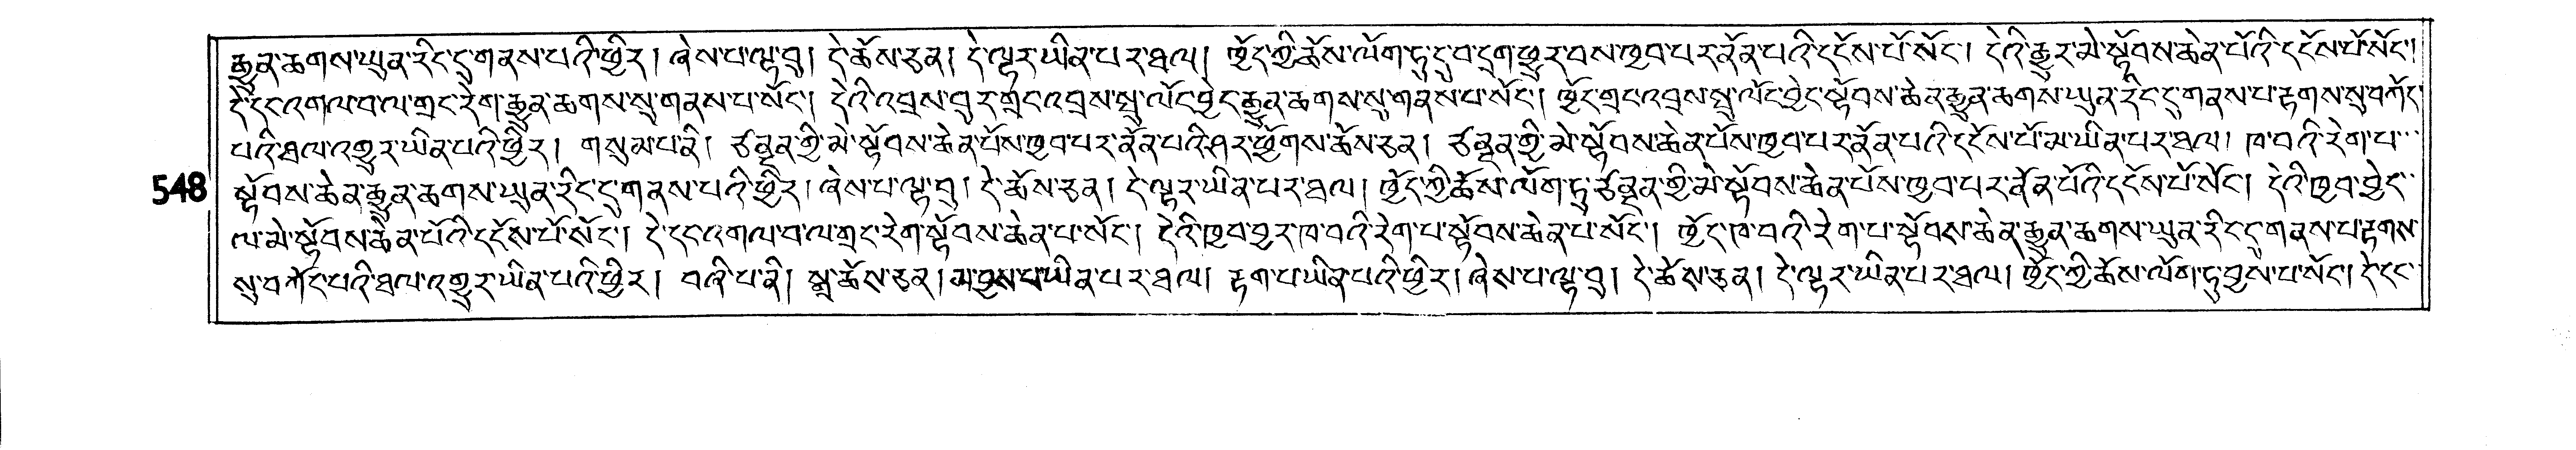རྒྱུན་ཆགས་ཡུན་རིང་དུ་གནས་པའི་ཕྱིར། ཞེས་པ་ལྟ་བུ། དེ་ཆོས་ཅན། དེ་ལྟར་ཡིན་པར་ཐལ། ཁྱོད་ཀྱི་ཆོས་ལོག་ཏུ་དུ་བ་དྲག་ཕྱུར་བས་ཁྱབ་པར་ནོན་པའི་དངོས་པོ་སོང་། དེའི་རྒྱུར་མེ་སྟོབས་ཆེན་པོའི་དངོས་པོ་སོང་།
དེ་དང་འགལ་བ་ལ་གྲང་རེག་རྒྱུན་ཆགས་སུ་གནས་པ་སོང་། དེའི་འབྲས་བུར་གྲང་འབྲས་སྤུ་ལོང་བྱེད་རྒྱུན་ཆགས་སུ་གནས་པ་སོང་། ཁྱོད་གྲང་འབྲས་སྤུ་ལོང་བྱེད་སྟོབས་ཆེན་རྒྱུན་ཆགས་ཡུན་རིང་དུ་གནས་པ་རྟགས་སུ་བཀོད་
པའི་ཐལ་འགྱུར་ཡིན་པའི་ཕྱིར། གསུམ་པ་ནི། ཙནྡན་གྱི་མེ་སྟོབས་ཆེན་པོས་ཁྱབ་པར་ནོན་པའི་ཤར་ཕྱོགས་ཆོས་ཅན། ཙནྡན་གྱི་མེ་སྟོབས་ཆེན་པོས་ཁྱབ་པར་ནོན་པའི་དངོས་པོ་མ་ཡིན་པར་ཐལ། ཁ་བའི་རེག་པ་
སྟོབས་ཆེན་རྒྱུན་ཆགས་ཡུན་རིང་དུ་གནས་པའི་ཕྱིར། ཞེས་པ་ལྟ་བུ། དེ་ཆོས་ཅན། དེ་ལྟར་ཡིན་པར་ཐལ། ཁྱོད་ཀྱི་ཆོས་ལོག་ཏུ་ཙནྡན་གྱི་མེ་སྟོབས་ཆེན་པོས་ཁྱབ་པར་ནོན་པོའི་དངོས་པོ་སོང་། དེའི་ཁྱབ་བྱེད་
ལ་མེ་སྟོབས་ཆེན་པོའི་དངོས་པོ་སོང་། དེ་དང་འགལ་བ་ལ་གྲང་རེག་སྟོབས་ཆེན་པ་སོང་། དེའི་ཁྱབ་བྱར་ཁ་བའི་རེག་པ་སྟོབས་ཆེན་པ་སོང་། ཁྱོད་ཁ་བའི་རེག་པ་སྟོབས་ཆེན་རྒྱུན་ཆགས་ཡུན་རིང་དུ་གནས་པ་རྟགས་
སུ་བཀོད་པའི་ཐལ་འགྱུར་ཡིན་པའི་ཕྱིར། བཞི་པ་ནི། སྒྲ་ཆོས་ཅན། མ་བྱས་པ་ཡིན་པར་ཐལ། རྟག་པ་ཡིན་པའི་ཕྱིར། ཞེས་པ་ལྟ་བུ། དེ་ཆོས་ཅན། དེ་ལྟར་ཡིན་པར་ཐལ། ཁྱོད་ཀྱི་ཆོས་ལོག་ཏུ་བྱས་པ་སོང་། དེ་དང་